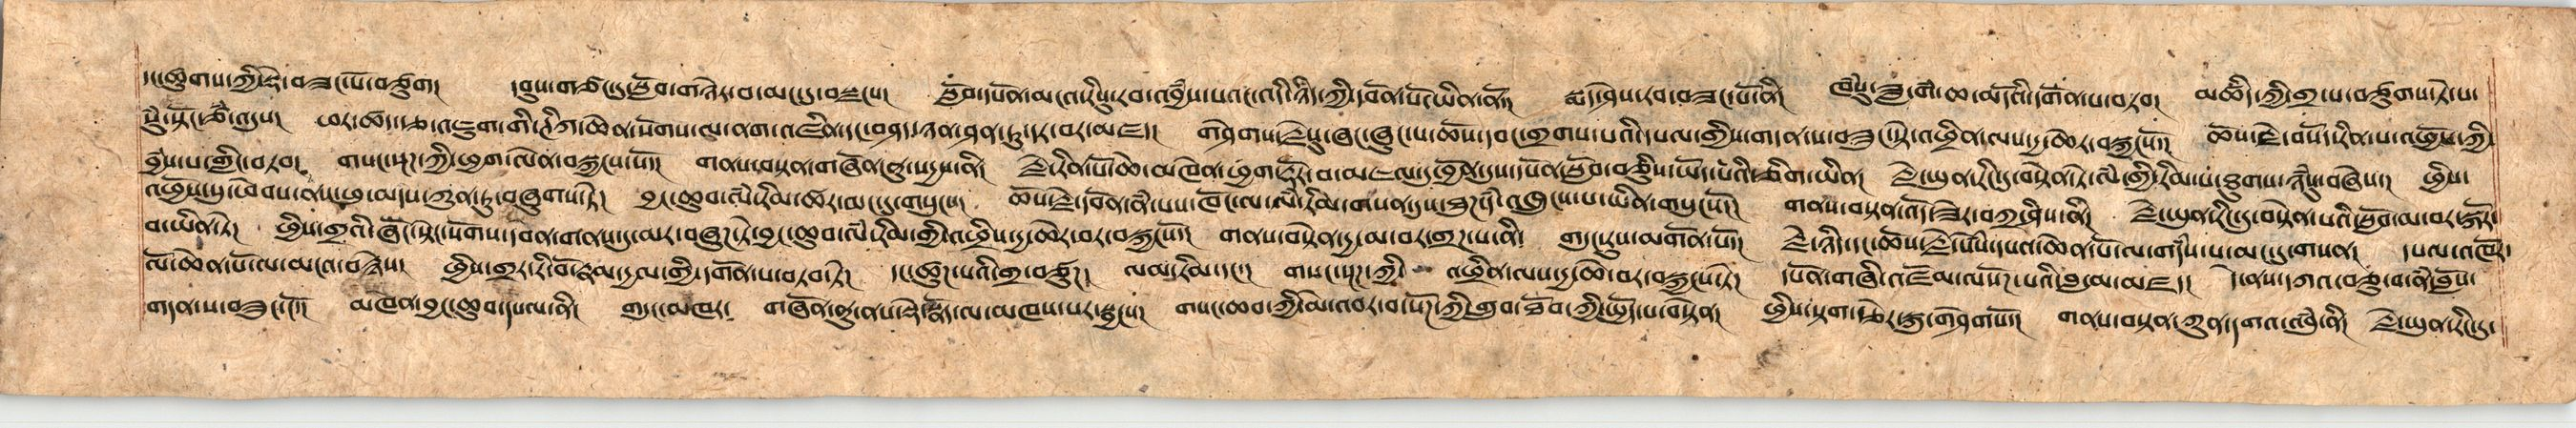དང་ཚུགས་ཀྱི་སྡེ་བཟང་པོ་བཙུག། དབུས་གཙང་དུ་སློབ་གཉེར་བ་མང་དུ་བསྫངས། སློབ་དཔོན་མངའ་རིསུ་རབ་འབྱཾས་པའང་འདི་ཉིད་ཀྱི་དབོན་སོང་ཡིན་ནོ། སྨད་ཤེས་རབ་བཟང་པོ་ནི། ཁཾསུ་ཟླ་གཾ་ཆ་མདོའི་དགོན་པ་བཏབ། མཚིད་ཀྱི་གྲ་པ་བཙུགས་ཏེ་པ་
སུཾ་སྟོང་ཙཾ་འདུས། ཕར་ཚད་དང་རྩ་འཇུག་གི་ཊིཀ་ཆེན་སོགས་ལ་ནག་འཛིན་དང་བཤད་ཉན་ཤན་ཏུ་དར་བར་མཛད། གཤེགས་རྗེསུ་ཞང་ཞུང་པ་ཆོས་དབང་གྲགས་པའི་དཔལ་གྱིས་གདན་ས་བཟུང་སྟེ་འཕྲིན་ལས་དྱ་ཆེར་བསྐྱངསོ། ཆོས་རྗེ་བསོད་རིན་པ་འཕྱོས་ཀྱི་
བྱཾས་པ་གླིང་བཏབ་ གསང་སྔཌ་ཀྱི་ཕྱག་ལེན་བསྐྱངས་སོ། གནས་བསྟན་གཞོན་ནུ་སདྱས་ནི། རྗེ་རིན་པོ་ཆེ་མཁེན་ཕྱག་རྡོར་བ་མཇལ་དུ་བྱོན་དུས་དཔོན་སློབ་བཅིུས་ཡོད་པའི་ཅིག་ཡིན། རྗེ་ཡུན་རིང་དུ་བསྟེན་ཏེ་ལཾ་གྱི་རིམ་པ་ཐུགས་ཉཾསུ་བཞེས། ཕྱིས་
འཕྱོས་སུ་ཕེབས་ནས་ཕུ་མདས་ཀུན་ཏུ་བཞུགས་ཏེ། བྱང་ཆུབ་ལཾ་རིམ་ཚར་མང་དུ་གསུངས། ཆོས་རྗེ་དབོན་ནཾ་པས་ཁོང་ལ་ལཾ་རིམ་གསན་དུས་ཐུཌ་དཾ་འཁྲུངས་པ་གསུངསོ། གནས་བསྟན་འོད་ཟེར་བཀྲ་ཤིས་ནི། རྗེ་ཡུན་རིང་དུ་བསྟེན་པའི་སློབ་མ་བར་སྐོར་
བ་ཡིན་ཏེ། ཕྱིས་གྲའི་ཞོང་སྟེང་སོགས་དབེན་གནས་དུ་མར་བཞུཌ་ཏེ་བྱང་ཆུབ་ལཾ་རིམ་གྱི་འཕྲིས་དྱ་ཆེར་བར་བསྐྱངསོ། གནས་བསྟེན་དྱ་མ་བར་གྲཌ་པ་ནི། གདུང་རུས་མགོན་པོ་། རྗེ་ཉིད་དང་ཆོས་རྗེ་སེཾས་དཔའ་ཆེན་པོ་ལ་གདཾས་པ་མང་དུ་གསན། དཔལ་འཁོར་
ལོ་ཆེན་པོ་ལ་མངའ་བརྙེས། ཕྱིས་གྲར་རི་བོ་རྣམ་དྱལ་གྱི་དགོན་པ་བཏབ་ཏེ། དང་ཚུཌ་པའི་གྲ་བཙུཌ། ལམ་རིམ་དང་། གསང་སྔཌ་ཀྱི་ འཕྲིན་ལས་དྱ་ཆེ་བར་བསྐྱངས་ཏེ། དཔོན་གཞི་འཛོམ་ལསོཌ་པའི་བླ་མ་་མཛད། དེ་ནས་དཀའ་བཅུ་པ་ནཾ་བློས་
གདན་ས་བཟུང་ངོ་། མཁེན་བྱང་ཆུབ་དཔལ་ནི། གདུང་མཁར༴ གཞོན་ནུ་ནས་སྡེ་སྣོད་ལ་མཁས་པར་སྦྱངས། གསང་ཆབ་ཀྱི་མེ་འབར་བ་སོཌ་ཀྱི་་གྲུབ་ཐོབ་ཀྱི་སྤྱོད་པ་བསྟེན། ཕྱིས་སྟག་རྩེར་སྐུ་གཤེགསོ་། གནས་བསྟན་ཀུན་དགའ་འབུཾ་ནི། རྗེ་ཡུན་རིང་དུ་